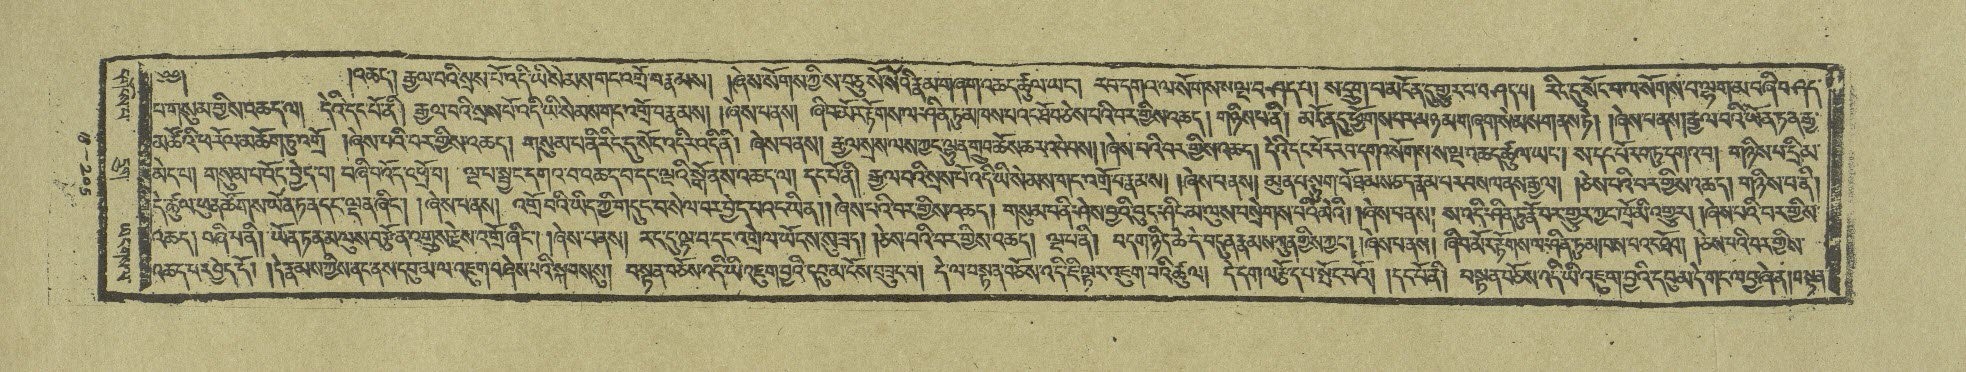༄༅། །འཆད། རྒྱལ་བའི་སྲས་པོ་འདི་ཡི་སེམས་གང་འགྲོ་བ་རྣམས། །ཞེས་སོགས་ཀྱི་ས་བཅུ་སོ་སོའི་རྣམ་གཞག་འཆད་ཚུལ་ཡང་། རབ་དགའ་ལ་སོགས་ས་ལྔ་བཤད་པ། ས་དྲུག་པ་མངོན་དུ་གྱུར་པ་བཤད་པ། རིང་དུ་སོང་བ་ལ་སོགས་པ་ལྷག་མ་བཞི་བཤད་
པ་གསུམ་གྱིས་འཆད་ལ། དེའི་དང་པོ་ནི། རྒྱལ་བའི་སྲས་པོ་འདི་ཡི་སེམས་གང་འགྲོ་བ་རྣམས། །ཞེས་པ་ནས། ཞིབ་མོར་རྟོགས་ལ་ཤིན་ཏུ་མཁས་པའང་ཐོབ་ཅེས་པའི་བར་གྱིས་འཆད། གཉིས་པ་ནི། མངོན་དུ་ཕྱོགས་པར་མཉམ་གཞག་སེམས་གནས་ཏེ། །ཞེས་པ་ནས། རྒྱལ་བའི་ཡོན་ཏན་རྒྱ་
མཚོའི་ཕ་རོལ་མཆོག་ཏུ་འགྲོ་།ཞེས་པའི་བར་གྱིས་འཆད། གསུམ་པ་ནི་རིང་དུ་སོང་འདིར་འདི་ནི། ཞེས་པ་ནས། རྒྱལ་སྲས་ལས་ཀྱང་ལྷུན་གྲུབ་ཆོས་ཆར་འབེབས། །ཞེས་པའི་བར་གྱིས་འཆད། དེའི་དང་པོར་རབ་དགའ་སོགས་ས་ལྔ་འཆད་ཚུལ་ཡང་། ས་དང་པོ་རབ་ཏུ་དགའ་བ། གཉིས་པ་དྲི་མ་
མེད་པ། གསུམ་པ་འོད་བྱེད་པ། བཞི་པ་འོད་འཕྲོ་བ། ལྔ་པ་སྦྱང་དགའ་བ་འཆད་པ་དང་ལྔའི་སྒོ་ནས་འཆད་ལ། དང་པོ་ནི། རྒྱལ་བའི་སྲས་པོ་འདི་ཡི་སེམས་གང་འགྲོ་བ་རྣམས། །ཞེས་པ་ནས། མུན་པ་སྟུག་པོ་ཐམས་ཅད་རྣམ་པར་བསལ་ནས་རྒྱལ། །ཅེས་པའི་བར་གྱིས་འཆད། གཉིས་པ་ནི།
དེ་ཚུལ་ཕུན་ཚོགས་ཡོན་ཏན་དང་ལྡན་ཞིང་། །ཞེས་པ་ནས། འགྲོ་བའི་ཡིད་ཀྱི་གདུང་བ་སེལ་བར་བྱེད་པའང་ཡིན། །ཞེས་པའི་བར་གྱིས་འཆད། གསུམ་པ་ནི་ཤེས་བྱའི་བུད་ཤིང་མ་ལུས་བསྲེགས་པའི་མེའི། །ཞེས་པ་ནས། ས་འདི་ཤིན་ཏུ་རྣོ་བར་གྱུར་ཀྱང་ཁྲོ་མི་འགྱུར། །ཞེས་པའི་བར་གྱིས་
འཆད། བཞི་པ་ནི། ཡོན་ཏན་མ་ལུས་བརྩོན་འགྲུས་རྗེས་འགྲོ་ཞིང་། །ཞེས་པ་ནས། རང་དུ་ལྟ་བ་དང་འགྲེལ་ཡོངས་སུ་ཟད། །ཅེས་པའི་བར་གྱིས་འཆད། ལྔ་པ་ནི། བདག་ཉིད་ཆེ་དེ་བདུན་རྣམས་ཀུན་གྱིས་ཀྱང་། །ཞེས་པ་ནས། ཞིབ་མོར་རྟོགས་ལ་ཤིན་ཏུ་མཁས་པའང་ཐོབ། །ཅེས་པའི་བར་གྱིས་
འཆད་པར་བྱེད་དོ། །དེ་རྣམས་ཀྱིས་ནང་ནས་དབུ་མ་ལ་འཇུག་པ་ཞེས་པའི་སྐབས་སུ། བསྟན་བཅོས་འདི་ཡི་འཇུག་བྱའི་དབུ་མ་ངོས་བཟུང་བ། དེ་ལ་བསྟན་བཅོས་འདི་ཇི་ལྟར་འཇུག་པའི་ཚུལ། དེ་དག་ལ་རྩོད་པ་སྤོང་བའོ། །དང་པོ་ནི། བསྟན་བཅོས་འདི་ཡི་འཇུག་བྱའི་དབུ་མ་དེ་གང་ལ་བྱ་ཞེ་ན། བསྟན་